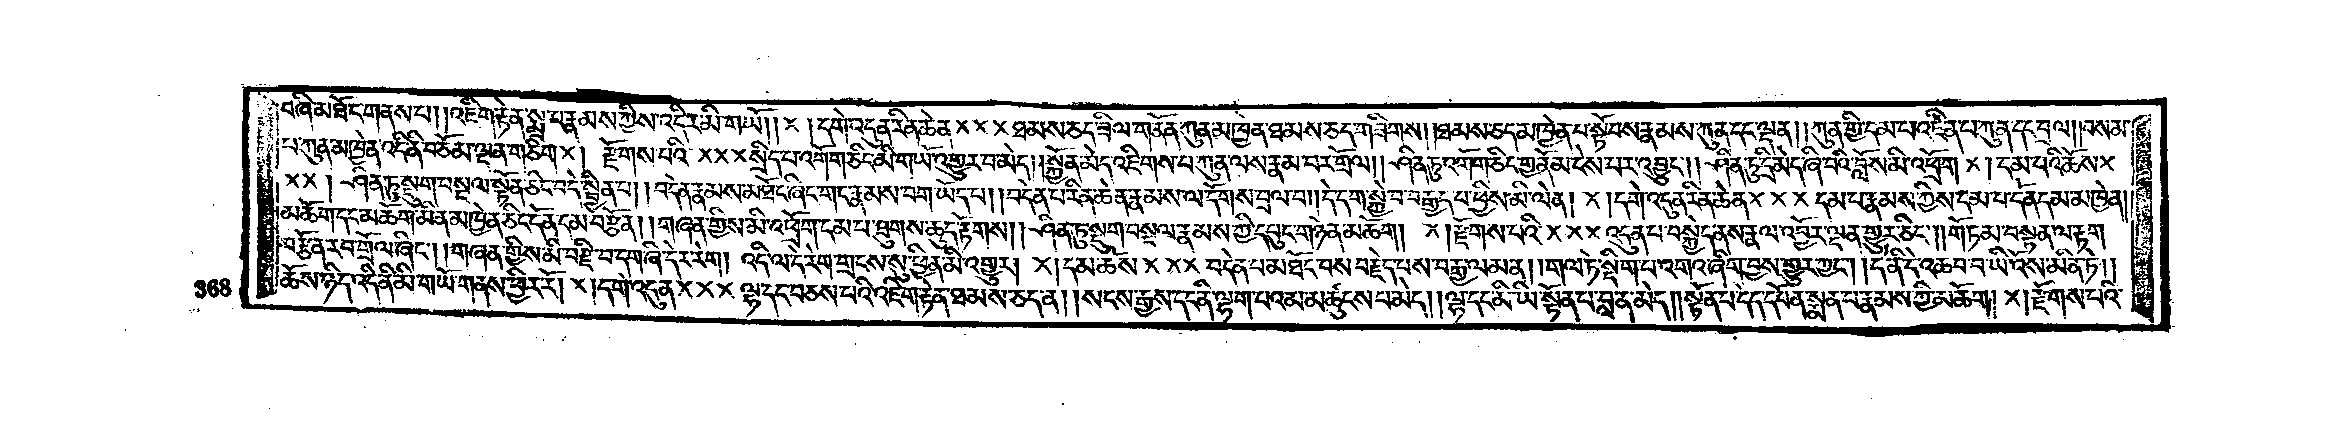བཞི་མཐོང་གནས་པ། །འཇིག་རྟེན་སྨྲ་བ་རྣམས་ཀྱིས་འདིར་མི་གཡོ། །྾། དགེ་འདུན་རིན་ཆེན་྾྾྾་ཐམས་ཅད་ཟིལ་གནོན་ཀུན་མཁྱེན་ཐམས་ཅད་གཟིགས། །ཐམས་ཅད་མཁྱེན་པ་སྟོབས་རྣམས་ཀུན་དང་ལྡན། །ཀུན་གྱི་དམ་པ་འཛིན་པ་ཀུན་དང་བྲལ། །བསམ་
པ་ཀུན་མཁྱེན་འདི་ནི་བཅོམ་ལྡན་གཅིག྾། རྫོགས་པའི་྾྾྾་སྲིད་པ་འགོག་ཅིང་མི་གཡོ་འགྱུར་བ་མེད། །སྐྱོན་མེད་འཇིགས་པ་ཀུན་ལས་རྣམ་པར་གྲོལ། །ཤིན་ཏུ་འགོག་ཅིང་གྱ་ནོམ་ངེས་པར་འབྱུང་། །ཤིན་ཏུ་དྲི་མེད་ཞི་བའི་བློས་མི་འཕྲོག྾། དམ་པའི་ཆོས྾་
྾྾། ཤིན་ཏུ་སྡུག་བསྔལ་སྟོན་ཅིང་བདེ་སྦྱིན་པ། །བདེན་རྣམས་མཐོང་ཞིང་གང་རྣམས་བག་ཡོད་པ། །བདེན་པ་རིན་ཆེན་རྣམས་ལ་དོགས་བྲལ་བ། །དེ་དག་སྐྱེ་བ་བརྒྱད་པ་ཕྱིས་མི་ལེན། ྾། དགེ་འདུན་རིན་ཆེན་྾྾྾་དམ་པ་རྣམས་ཀྱིས་དམ་པ་དོན་དམ་མཁྱེན།
མཆོག་དང་མཆོག་མིན་མཁྱེན་ཅིང་དོན་དམ་བརྩོན། །གཞན་གྱིས་མི་འཕྲོག་དམ་པ་ཐུགས་ཆུད་རྟོགས། །ཤིན་ཏུ་སྡུག་བསྔལ་རྣམས་ཀྱི་དཔུང་གཉེན་མཆོག །྾། རྫོགས་པའི་྾྾྾་འདུན་པ་བསྐྱེད་ནས་རྣལ་འབྱོར་ལྡན་གྱུར་ཅིང་། །གོ་ཏམ་བསྟན་ལ་རྟག་
བརྩོན་རབ་གྲོལ་ཞིང་། །གཞན་གྱིས་མི་བརྫི་བ་དག་ཞི་དེར་རེག །འདི་ལ་དེ་རེག་གྲངས་སུ་ཕྱིན་མི་འགྱུར། ྾། དམ་ཆོས་྾྾྾་བདེན་པ་མཐོང་བས་བརྗེད་པས་བརྒྱ་ལམ་ན། །གལ་ཏེ་སྡིག་པ་འགའ་ཞིག་བྱས་གྱུར་ཀྱང་། །དེ་ནི་དེ་འཆབ་བ་ཡི་འོས་མིན་ཏེ། །
ཆོས་ཉིད་འདི་ནི་མི་གཡོ་གནས་ཕྱིར་རོ། ྾། དགེ་འདུན་྾྾྾་ལྷ་དང་བཅས་པའི་འཇིག་རྟེན་ཐམས་ཅད་ན། །སངས་རྒྱས་དང་ནི་ལྷག་པའམ་མཚུངས་པ་མེད། །ལྷ་དང་མི་ཡི་སྟོན་པ་བླ་ན་མེད། །སྟོན་པ་དེད་དཔོན་སྨན་པ་རྣམས་ཀྱི་མཆོག །྾། རྫོགས་པའི་